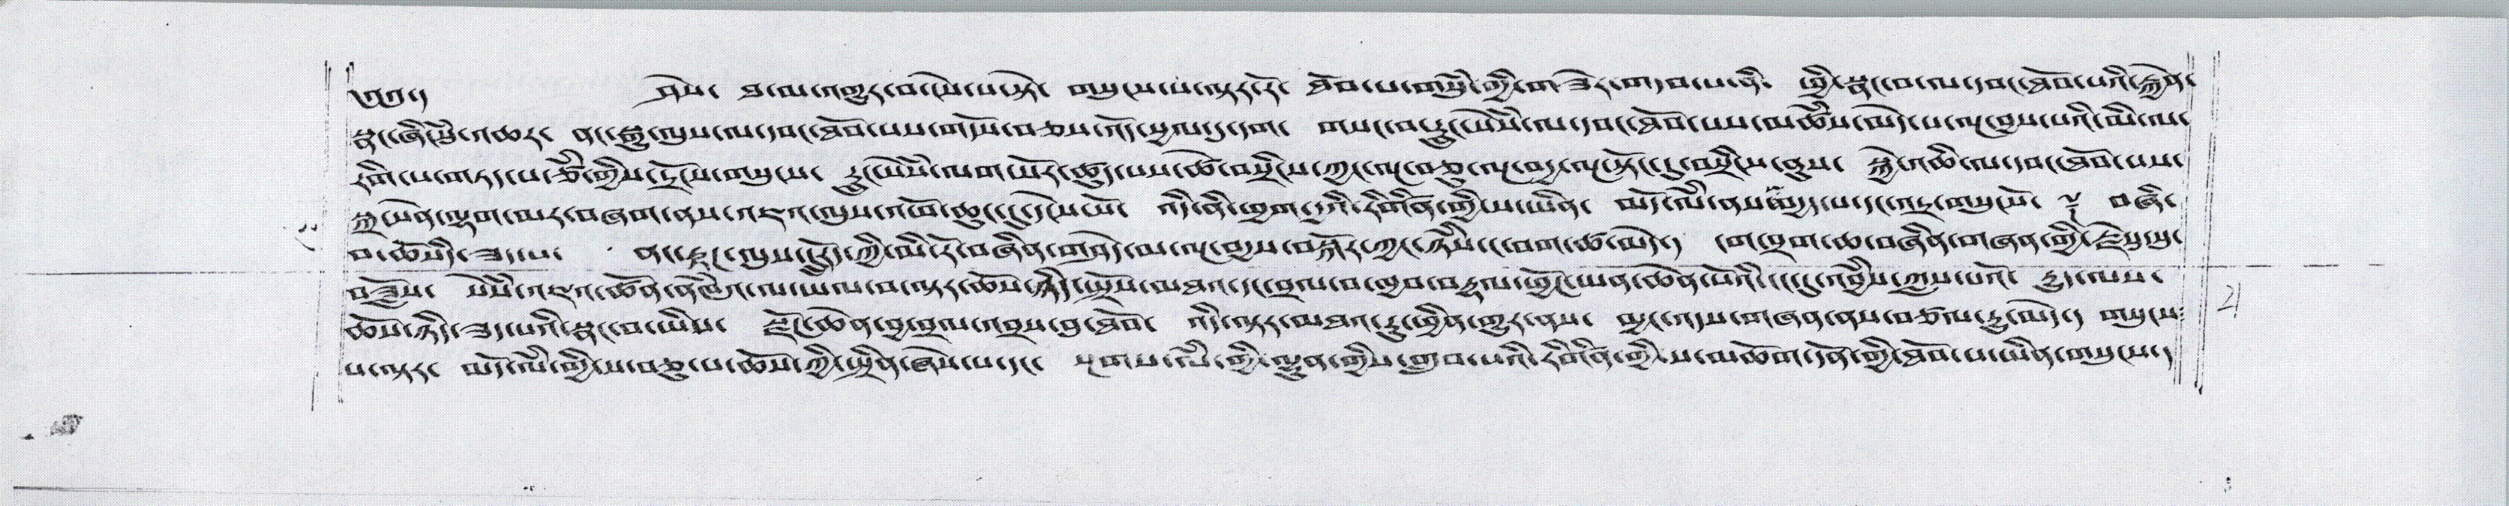ཤེས། ཐ་མ་འགྱུར་བ་ངེས་པ་སྟེ། གསུངས་པ་ལྟར་རོ། ཐོབ་པ་གསུམ་གྱི་གཟེར་གདབ་པ་ནི། ཕྱི་སྣང་བ་ལ་དབང་ཐོབ་པའི་རྐྱེན་
སྣང་ཞིང་ཁམས་སུ་འཆར། ནང་སྒྱུ་ལུས་ལ་དབང་ཐོབ་པས་གདོས་བཅས་འོད་གསལ་དུ་དག གསང་བ་རླུང་སེམས་ལ་དབང་ཐོབ་པས་མཚམས་མེད་པ་ལྔ་བྱས་པའི་མི་ལ་
རིག་པ་གཏད་པ་ཙམ་གྱིས་དྲོངས་གསུངས། རླུང་སེམས་ལག་སོར་ཚུད་པས་ཚེ་བསྲིངས་ཀྱང་ལྔ་བཅུ་ལྔ་བརྒྱ་ལྔ་སྟོང་དུ་བསྲིངས་ནུས། སྐྱེ་འཆི་ལ་དབང་ཐོབ་པས་
སྐྲ་སེན་ལྷག་མར་བཞག་ནས་འཇའ་ལུས་འཕོ་ཆུང་དུ་དེངས་སོ། འདི་ནི་ཕྱག་རྒྱའི་རིག་འཛིན་གྱི་ས་ཡིན། མདོ་ལམ་ནས་ས་བརྒྱད་པ་དང་འདྲ་གསུངས་སོ།། ༧ བཞི་
པ་ཆོས་ཉིད་ཟད་པ། ནང་རྟགས་ལུས་དུར་ཁྲོད་ཀྱི་མི་རོ་བཞིན་གཤེད་མ་ལྔ་བརྒྱས་བསྐོར་ཀྱང་ཉམས་ང་བག་ཚ་མེད། ངག་བྲག་ཆ་བཞིན་གཞན་གྱི་རྗེས་སུ་
བཟློས། སེམས་འཇའ་ཚོན་ནམ་མཁའ་ལ་ཡལ་བ་ལྟར་ཆོས་ཉིད་སྤྲོས་མཐའ་དང་བྲལ་བ་ཁྱབ་བདལ་ཕྱོགས་ཡོན་ཆེན་པོའི་ངང་དུ་འབྱམས་ཀླས་པའོ།། རྒྱུད་ལས། 
ཆོས་ཉིད་ཟད་པའི་སྣང་བ་ཡིས། རྫོགས་ཆེན་བྱ་བྲལ་འབྲས་བུ་ཐོབ། འདི་ལྟར་མཐའ་རུ་ཕྱིན་གྱུར་ནས། མྱང་འདས་གཞན་ནས་བཙལ་དུ་མེད། གསུངས་
པ་ལྟར། མདོ་ལམ་གྱི་ས་བཅུ་པ་ཆོས་ཀྱི་སྤྲིན་ཞེས་པ་དང་། སྔགས་ལམ་གྱི་ལྷུན་གྱིས་གྲུབ་པའི་རིག་འཛིན་གྱི་ས་མཆོག་དོན་གྱིས་ཐོབ་པ་ཡིན་གསུངས།